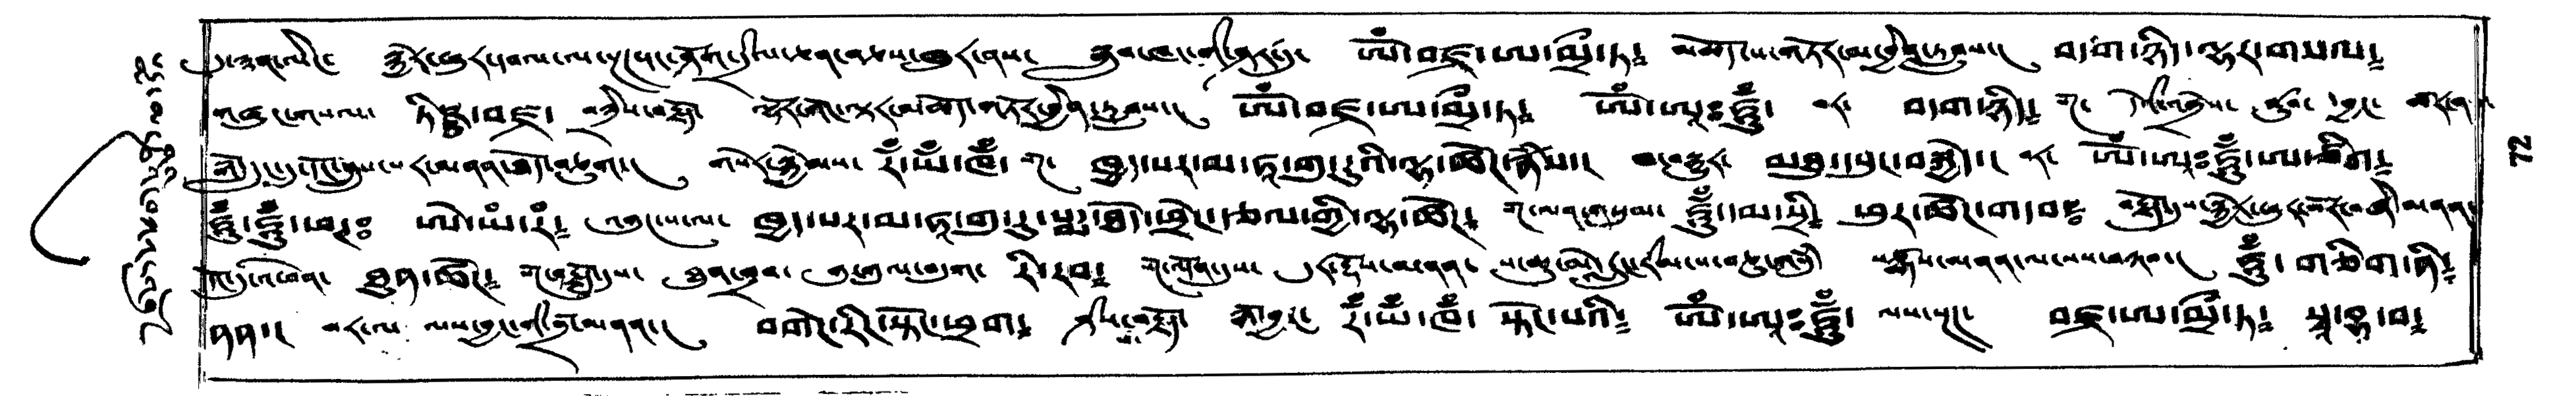དུ་ཟན་ལིང་། སྐྱེར་ཕུར་དབལ་ལ་སྔགས་དང་ཤོག་དྲིལ་ཅན་བཅས་ཁུར་ནས། སྒྲུབ་ཁང་གི་ཤར་དུ། ཨོཾ་བཛྲ་ཨམྲྀ་ཏ༴ མཆོད་པ་གཏོར་མ་བྱིན་རླབས། བདག་ཉིད་ལྷར་གསལ༴ 
གཞུང་གསལ། ཏིཥྛ་བཛྲ། བཀྲ་ཤིས་བརྗོད། ལྷོར་གོང་ལྟར་མཆོད་གཏོར་བྱིན་རླབས། ཨོཾ་བཛྲ་ཨ་མྲྀ་ཏ༴ མཆོད་པ་གཏོར་མ་བྱིན་རླབས། བདག་ཉིད་ལྷར་གསལ༴ གཞུང་གསལ། ཏིཥྛ་བཛྲ། བཀྲ་ཤིས་བརྗོད། ལྷོར་གོང་ལྟར་མཆོད་གཏོར་བྱིན་རླབས། ཨོཾ་བཛྲ་ཨ་མྲྀ་ཏ༴ ཨོཾ་ཨཱཿཧཱུྃ། བར། བདག་ཉིད༴ སོགས། དེའི་འགྲོས། ནུབ་བྱང་། ཚར་ནས 
སྒོ་དྲུང་དུ་དོང་གྲུས་པར་མནན་ཐོད་བཅུག གསེར་སྐྱེམས། རྃ་ཡྃ་ཁྃ། སོགས། ཁྱད་པར་མ་ཧཱ་གུ་རུའི་ལྷ་ཚོགས་རྣམས། ཁ་བསྒྱུར། མཐུ་དཔུང་བསྐྱེད། བར། ཨོཾ་ཨཱཿཧཱུྃ་ཨཙིཀ༴ 
ཧཱུྃ་ཧཱུྃ་ཕཊཿ ཨེ་ཡཾ་རཾ༴ འགུགས་པ་ལ། ཁྱད་པར་མ་ཧཱ་གུ་རུ་པདྨ་ཐོད་ཕྲེང་རྩལ་གྱི་ལྷ་ཚོགས༴ སོགས་ལན་གསུམ། ཧཱུྃ་དམ་སྲི༴ ཕུར་ཚོགས་གདབ༔ བརྗོད་དུས་སྐྱེར་ཕུར་སོར་བཞི་མནན་
དོང་དུ་འཕེན། ཐུན་ཚོགས༴ སོགས་བརྗོད་དུས། ཐུན་བྲབ། གུ་གུལ་བདུག རི་རབ༴ སོགས་འདོན་དུས། དུར་རྡོས་མནན། ས་ཆུ་མེ་རླུང་རིམ་པ་བཅུ་གསུམ་སཙྪས་མནན་ལ་སས་བཀབ། ཧཱུྃ། གཅིག་ནི༴ 
ནན། བར་ལ། ལས་བྱང་གི་བྲོ་མནན། བགེགས་རིགས་སྟོང་ཕྲག༴ ཤིས་པ་བརྗོད། སྒོ་བྱང་། རྃ་ཡྃ་ཁྃ། སྟོང་པའི༴ ཨོཾ་ཨཱཿཧཱུྃ། ལས་སྔགས། བཛྲ་ཨ་མྲྀ་ཏ༴ སྭ་བྷ་བ༴